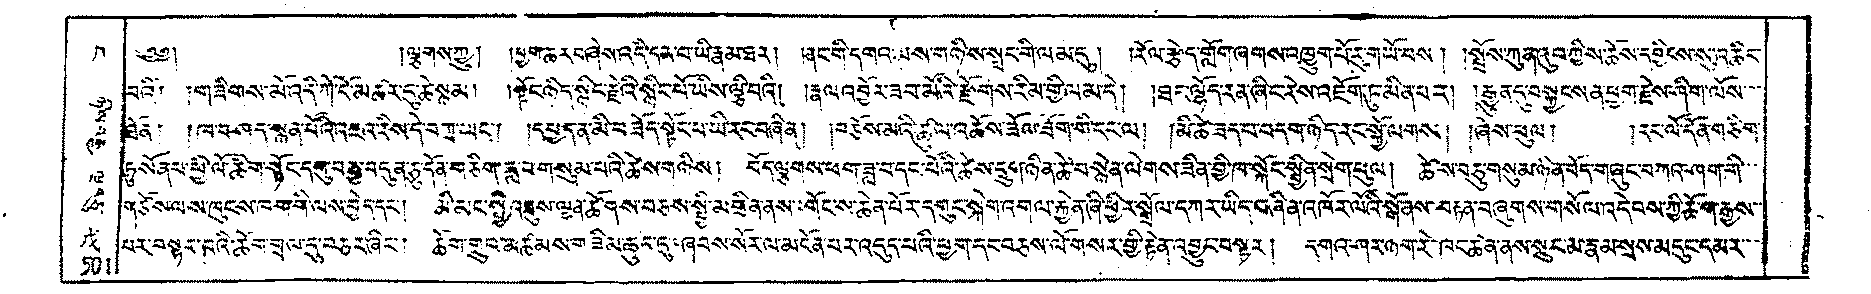༄༅། །ལྕགས་ཀྱུ། །ཕྱག་ཆར་བཞེས་འདི་དམ་པ་ཡི་རྣམ་ཐར། །ནང་གི་དགའ་མས་གཉིས་སྤང་གི་ལམ་དུ། །རོལ་རྩེད་གློག་ཞགས་འཁྱུག་པོ་རུ་གཡོ་བས། །སྤྲོས་ཀུན་འུབ་ཀྱིས་ཆོས་དབྱིངས་སུ་འཆིང་
བའི། །གཟིགས་མོ་འདི་ཀོ་ངོ་མཚར་དུ་ཆེ་སྙམ། །སྟོང་ཉིད་སྙིང་རྗེའི་སྙིང་པོ་ཡིས་ལྕི་བའི། །རྣལ་འབྱོར་ཟབ་མོའི་རྫོགས་རིམ་གྱི་ལམ་དེ། །ཐང་ལྷོད་རན་ཞིང་རེས་འཇོག་ཏུ་མིན་པར། །རྒྱུན་དུ་བསྐྱངས་ན་ཕྱག་རྗེས་ཤིག་ལོས་
ཐོན། །ཁ་བཤད་སྙན་པོའི་འཇའ་རིས་དེ་བཀྲ་ཡང་། །དཔྱད་ན་མི་བཟོད་སྟོང་པ་ཡི་རང་བཞིན། །བཅོས་མའི་ཚུལ་འཆོས་ཟོལ་ཟོག་གི་ངང་ལ། །མི་ཚེ་ཟད་པ་བདག་ཉིད་རང་སྐྱོ་ལགས། །ཞེས་ཕུལ། །རང་ལོ་དོན་གཅིག་
ཏུ་སོན་པ་ཕྱི་ལོ་ཆིག་སྟོང་དགུ་བརྒྱ་བདུན་ཅུ་དོན་གཅིག་ཟླ་བ་གསུམ་པའི་ཚེས་གཉིས། བོད་ལྕགས་ཕག་ཟླ་བ་དང་པོའི་ཚེས་དྲུག་ཉིན་ཚེ་བསྙེན་ལེགས་ཟིན་གྱི་ཁ་སྐོང་སྦྱིན་སྲེག་ཕུལ། ཚེས་བཅུ་གསུམ་ཉིན་བོད་གཞུང་བཀའ་ཤག་གི་
གཙོས་ལས་ཁུངས་ཁག་གི་ལས་བྱེད་དང་། མི་མང་སྤྱི་འཐུས་ལྷན་ཚོགས་བཅས་སྤྱི་མགྲིན་ནས་༧གོང་ས་ཆེན་པོར་དགུང་སྐེག་འགལ་རྐྱེན་ཞི་ཕྱིར་སྒྲོལ་དཀར་ཡིད་བཞིན་འཁོར་ལོའི་སྒོ་ནས་བརྟན་བཞུགས་གསོལ་འདེབས་ཀྱི་ཆོ་ག་རྒྱས་
པར་བསྟར་བའི་ཆོག་གྲལ་དུ་བཅར་ཞིང་། ཆོག་གྲུབ་མཚམས་གཟིམ་ཆུང་དུ་༧ཞབས་སོར་ལ་མངོན་པར་འདུད་པའི་ཕྱག་དང་བཅས་ལོ་གསར་གྱི་རྟེན་འབྱུང་བསྟར། དགའ་ཤར་ཉག་རེ་ཁང་ཚན་ནས་སྲུང་མ་རྣམ་སྲས་མདུང་དམར་